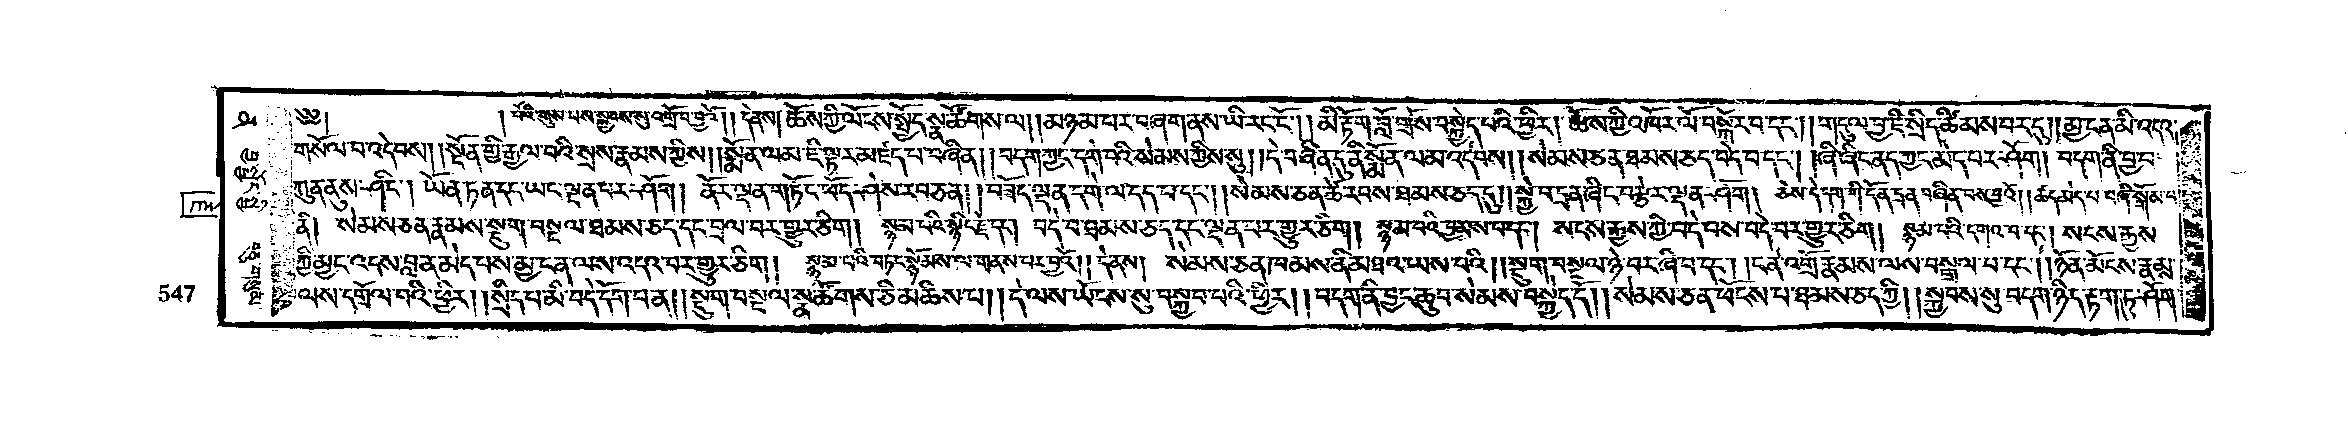༄༅། །པོའི་གུས་པས་སྐྱབས་སུ་འགྲོ་བ་བྱའོ། །དེ་ནས། ཆོས་ཀྱི་ལོངས་སྤྱོད་སྣ་ཚོགས་ལ། །མཉམ་པར་བཞག་ནས་ཡི་རང་ངོ། །མི་རྟོག་བློ་གྲོས་བསྐྱེད་པའི་ཕྱིར། །ཆོས་ཀྱི་འཁོར་ལོ་བསྐོར་བ་དང་། །གདུལ་བྱ་ཇི་སྲིད་ཚིམས་བར་དུ། །མྱ་ངན་མི་འདའ་
གསོལ་བ་འདེབས། །སྔོན་གྱི་རྒྱལ་བའི་སྲས་རྣམས་ཀྱིས། །སྨོན་ལམ་ཇི་ལྟར་མཛད་པ་བཞིན། །བདག་ཀྱང་དགེ་བའི་སེམས་ཀྱིས་སུ། །དེ་བཞིན་དུ་ནི་སྨོན་ལམ་འདེབས། །སེམས་ཅན་ཐམས་ཅད་བདེ་བ་དང་། །ཞི་ཞིང་ནད་ཀྱང་མེད་པར་ཤོག །བདག་ནི་བྱ་བ་
ཀུན་ནུས་ཤིང་། ཡོན་ཏན་དང་ཡང་ལྡན་པར་ཤོག །ནོར་ལྡན་གཏོང་ཕོད་ཤེས་རབ་ཅན། །བཟོད་ལྡན་དགེ་ལ་དད་པ་དང་། །སེམས་ཅན་ཚེ་རབས་ཐམས་ཅད་དུ། །སྐྱེ་བ་དྲན་ཞིང་བརྩེར་ལྡན་ཤོག །ཅེས་དེ་དག་གི་དོན་དྲན་བཞིན་པས་བྱའོ། །ཚད་མེད་པ་བཞི་སྒོམ་པ་
ནི། སེམས་ཅན་རྣམས་སྡུག་བསྔལ་ཐམས་ཅད་དང་བྲལ་བར་གྱུར་ཅིག ། སྙམ་པའི་སྙིང་རྗེ་དང། བདེ་བ་ཐམས་ཅད་དང་ལྡན་པར་གྱུར་ཅིག ། སྙམ་པའི་བྱམས་པ་དང། སངས་རྒྱས་ཀྱི་བདེ་བས་བདེ་བར་གྱུར་ཅིག ། སྙམ་པའི་དགའ་བ་དང། སངས་རྒྱས་
ཀྱི་མྱང་འདས་བླ་ན་མེད་པས་མྱ་ངན་ལས་འདའ་བར་གྱུར་ཅིག ། སྙམ་པའི་བཏང་སྙོམས་ལ་གནས་པར་བྱའོ། །དེ་ནས། སེམས་ཅན་ཁམས་ནི་མཐའ་ཡས་པའི། །སྡུག་བསྔལ་ཉེ་བར་ཞི་བ་དང་། །ངན་འགྲོ་རྣམས་ལས་བསྒྲལ་བ་དང་། །ཉོན་མོངས་རྣམས་
ལས་དགྲོལ་བའི་ཕྱིར། །སྲིད་པ་མི་བདེ་དོག་པ་ན། །སྡུག་བསྔལ་སྣ་ཚོགས་ཅི་མཆིས་པ། །དེ་ལས་ཡོངས་སུ་བསྐྱབ་པའི་ཕྱིར། །བདག་ནི་བྱང་ཆུབ་སེམས་བསྐྱེད་དོ། །སེམས་ཅན་ཕོངས་པ་ཐམས་ཅད་ཀྱི། །སྐྱབས་སུ་བདག་ཉིད་རྟག་ཏུ་ཤོག །